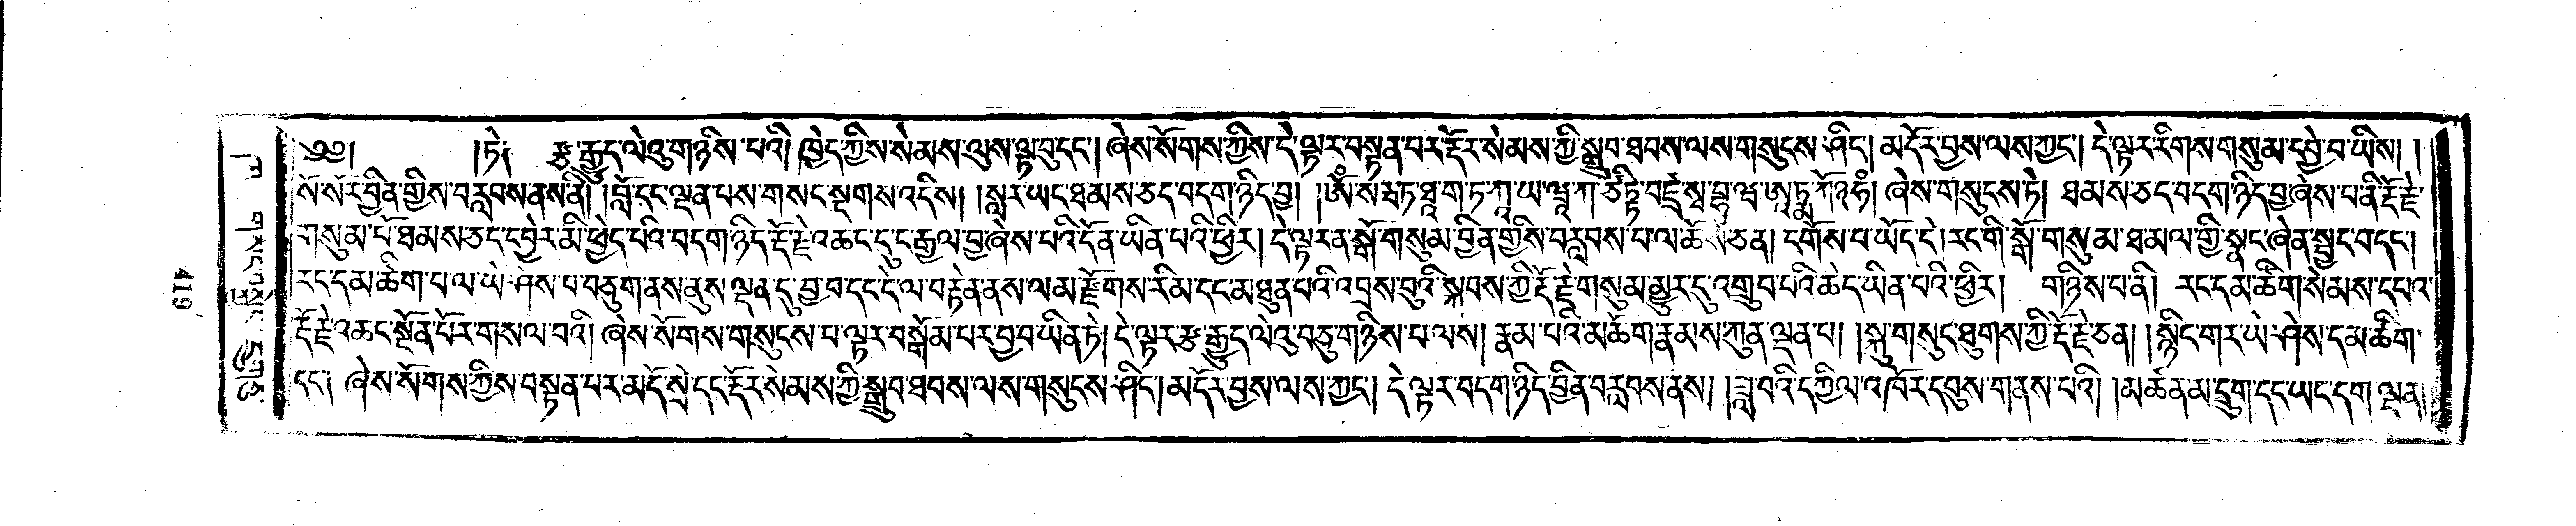༄༅། །ཏེ། རྩ་རྒྱུད་ལེའུ་གཉིས་པའི། ཁྱེད་ཀྱིས་སེམས་ལུས་ལྟ་བུ་དང་། ཞེས་སོགས་ཀྱིས་དེ་ལྟར་བསྟན་པར་རྡོར་སེམས་ཀྱི་སྒྲུབ་ཐབས་ལས་གསུངས་ཤིང་། མདོར་བྱས་ལས་ཀྱང་། དེ་ལྟར་རིགས་གསུམ་དབྱེ་བ་ཡིས། །
སོ་སོར་བྱིན་གྱིས་བརླབས་ནས་ནི། །བློ་དང་ལྡན་པས་གསང་སྔགས་འདིས། །སླར་ཡང་ཐམས་ཅད་བདག་ཉིད་བྱ། །ཨོཾ་སརྦ་ཏ་ཐཱ་ག་ཏ་ཀཱ་ཡ་ཝཱ་ཀ་ཙིཏྟ་བཛྲ་སྭ་བྷཱ་ཝ་ཨཱཏྨ་ཀོཉྷཾ། ཞེས་གསུངས་ཏེ། ཐམས་ཅད་བདག་ཉིད་བྱ་ཞེས་པ་ནི་རྡི་རྗེ་
གསུམ་པ་ཐམས་ཅད་དབྱེར་མི་ཕྱེད་པའི་བདག་ཉིད་རྡོ་རྗེ་འཆང་དུ་ང་རྒྱལ་བྱ་ཞེས་པའི་དོན་ཡིན་པའི་ཕྱིར། དེ་ལྟར་ན་སྒོ་གསུམ་བྱིན་གྱིས་བརླབས་པ་ལ་ཆོས་ཅན། དགོས་པ་ཡོད་དེ། རང་གི་སྒོ་གསུམ་ཐ་མལ་གྱི་སྣང་ཞེན་སྦྱར་བ་དང་།
རང་དམ་ཚིག་པ་ལ་ཡེ་ཤེས་པ་བཅུག་ནས་ནུས་ལྡན་དུ་བྱ་བ་དང་དེ་ལ་བརྟེན་ནས་ལམ་རྫོགས་རིམ་དང་མཐུན་པའི་འབྲས་བུའི་སྐབས་ཀྱི་རྡོ་རྗེ་གསུམ་མྱུར་དུ་འགྲུབ་པའི་ཆེད་ཡིན་པའི་ཕྱིར། གཉིས་པ་ནི། རང་དམ་ཚིག་སེམས་དཔའ་
རྡོ་རྗེ་འཆང་སྔོན་པོར་གསལ་བའི། ཞེས་སོགས་གསུངས་པ་ལྟར་བསྒོམ་པར་བྱ་བ་ཡིན་ཏེ། དེ་ལྟར་རྩ་རྒྱུད་ལེའུ་བཅུ་གཉིས་པ་ལས། རྣམ་པའི་མཆོག་རྣམས་ཀུན་ལྡན་པ། །སྐུ་གསུང་ཐུགས་ཀྱི་རྡོ་རྗེ་ཅན། །སྙིང་གར་ཡེ་ཤེས་དམ་ཚིག་
དང་། ཞེས་སོགས་ཀྱིས་བསྟན་པར་མདོ་སྲེ་དང་རྡོར་སེམས་ཀྱི་སྒྲུབ་ཐབས་ལས་གསུངས་ཤིང་། མདོར་བྱས་ལས་ཀྱང་། དེ་ལྟར་བདག་ཉིད་བྱིན་བརླབས་ནས། །ཟླ་བའི་དཀྱིལ་འཁོར་དབུས་གནས་པའི། །མཚན་མ་དྲུག་དང་ཡང་དག་ལྡན་